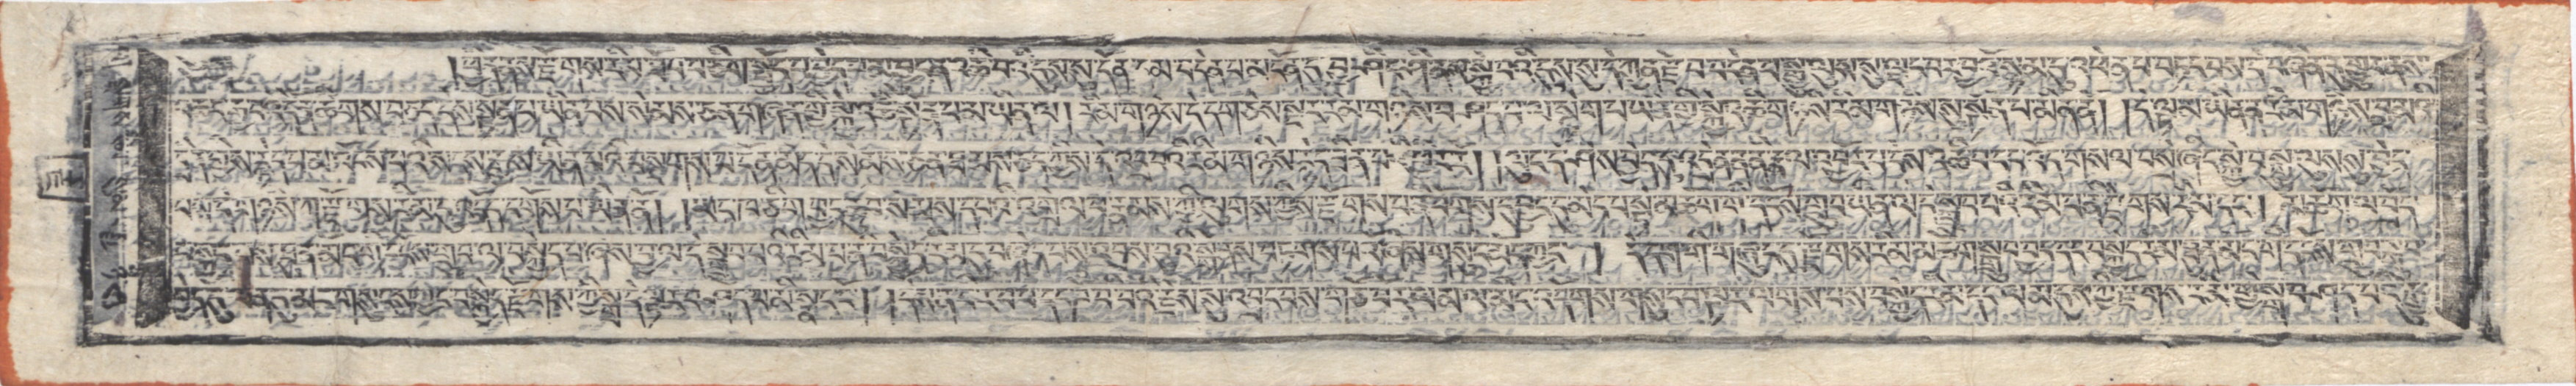༄༅། །ཕྱིན་ནས་རྫོགས་རིམ་ཐོབ་པ་ཅིག་སྤྱོད་པ་བྱེད་པ་མ་བྱུང་ན་འཆི་བའི་དུས་སུ་དོན་དམ་བདེན་པ་མངོན་དུ་བྱ་ཤིང་ཤི་ནས་སྐྱེ་བའི་དུས་སུ་དེ་ཀུན་རྫོབ་བདེན་པ་སྒྱུ་ལུས་སུ་ལྡང་བར་བྱའོ་སྙམ་དུ་འཕེན་པ་བཏང་བས་དེ་བཞིན་དུ་གྱུར་ནས་
འཚང་རྒྱ་བའི་དོན་ཚིགས་བཅད་དེས་སྟོན་པ་ཡིན་པས་སེམས་ཅན་གཞན་གྱི་སྐྱེ་འཆི་སྟོན་པ་མ་ཡིན་ལ། རིམ་གཉིས་དེ་དག་ཅེས་སྔར་རིམ་གཉིས་བཤད་པ་ལ་སྙེག་པ་ཡིན་གྱི་སྐྱེ་འཆི་གཉིས་རིམ་གཉིས་སུ་སྟོན་པ་མིན་ནོ། །དེ་ལྟ་མ་ཡིན་ན་རིམ་གཉིས་བླ་མའི་
དྲིན་གྱིས་རྙེད་པ་མ་འོངས་པའི་སངས་རྒྱས་ཡིན་པའི་བསྔགས་པ་དོན་མེད་དེ་སེམས་ཅན་ཐམས་ཅད་ཀྱིས་དེ་འདྲ་བའི་རིམ་གཉིས་རྙེད་ཟིན་པའི་ཕྱིར་རོ། །ལུང་དེ་ཤེས་བྱེད་དུ་འདྲེན་ན་ནི་རྣལ་འབྱོར་པ་དེས་འཆི་བ་དང་འོད་གསལ་བསྲེ་ཞིང་སྐྱེ་བ་སྒྱུ་ལུས་སུ་བྱེད་
པས་དེ་གཉིས་ཀ་རྫོགས་རིམ་དུ་འདོད་དགོས་པ་ཡིན་ནོ། །ཡང་ཁ་ཅིག་བྱང་ཆུབ་སེམས་དཔའི་འགྲེལ་པ་རྣམས་ཀྱི་ལུགས་ཀྱིས་རྫོགས་པ་ནི་བོགས་དབྱུང་དུ་མེད་པ་སྟེ་མཆོག་གི་དངོས་གྲུབ་ཡིན་ལ་དེ་སྒྲུབ་པའི་རིམ་པ་ནི་རྫོགས་རིམ་དང་། མཆོག་ལ་བྲོད་
བསྐྱེད་པས་ཐུན་མོང་གི་དངོས་གྲུབ་ལ་བསྐྱེད་པ་ཞེས་བྱ་ལ་དེ་སྒྲུབ་པའི་རིམ་པ་ནི་བསྐྱེད་རིམ་དུ་བཞེད་པས་འབྲས་བུའི་སྒོ་ནས་བཏགས་པའོ་ཞེས་གསུང་མོད་ཀྱང་། དེ་དག་གི་གཞུང་དུ་རྫོགས་རིམ་མཆོག་སྒྲུབ་བྱང་དང་བསྐྱེད་རིམ་ཐུན་མོང་གི་དངོས་གྲུབ་སྒྲུབ་
བྱེད་དུ་ལན་དུ་མང་གསུངས་ཀྱང་བསྐྱེད་རྫོགས་ཀྱི་སྒྲ་དེ་ལྟར་བཤད་པ་མི་སྣང་ངོ། །དེས་ན་བི་?་ར་བ་པ་དང་ཌོཾ་བི་བའི་རྗེས་སུ་འབྲང་བས་གཙོ་བོར་ལམ་ལ་མིང་འདོགས་གསུང་བ་ལྟར་ལགས་པས་བསྐྱེད་རིམ་དང་ལམ་དུས་ཀྱི་རྫོགས་རིམ་གྱི་སྒྲ་བཤད་པའི་རྒྱུ་